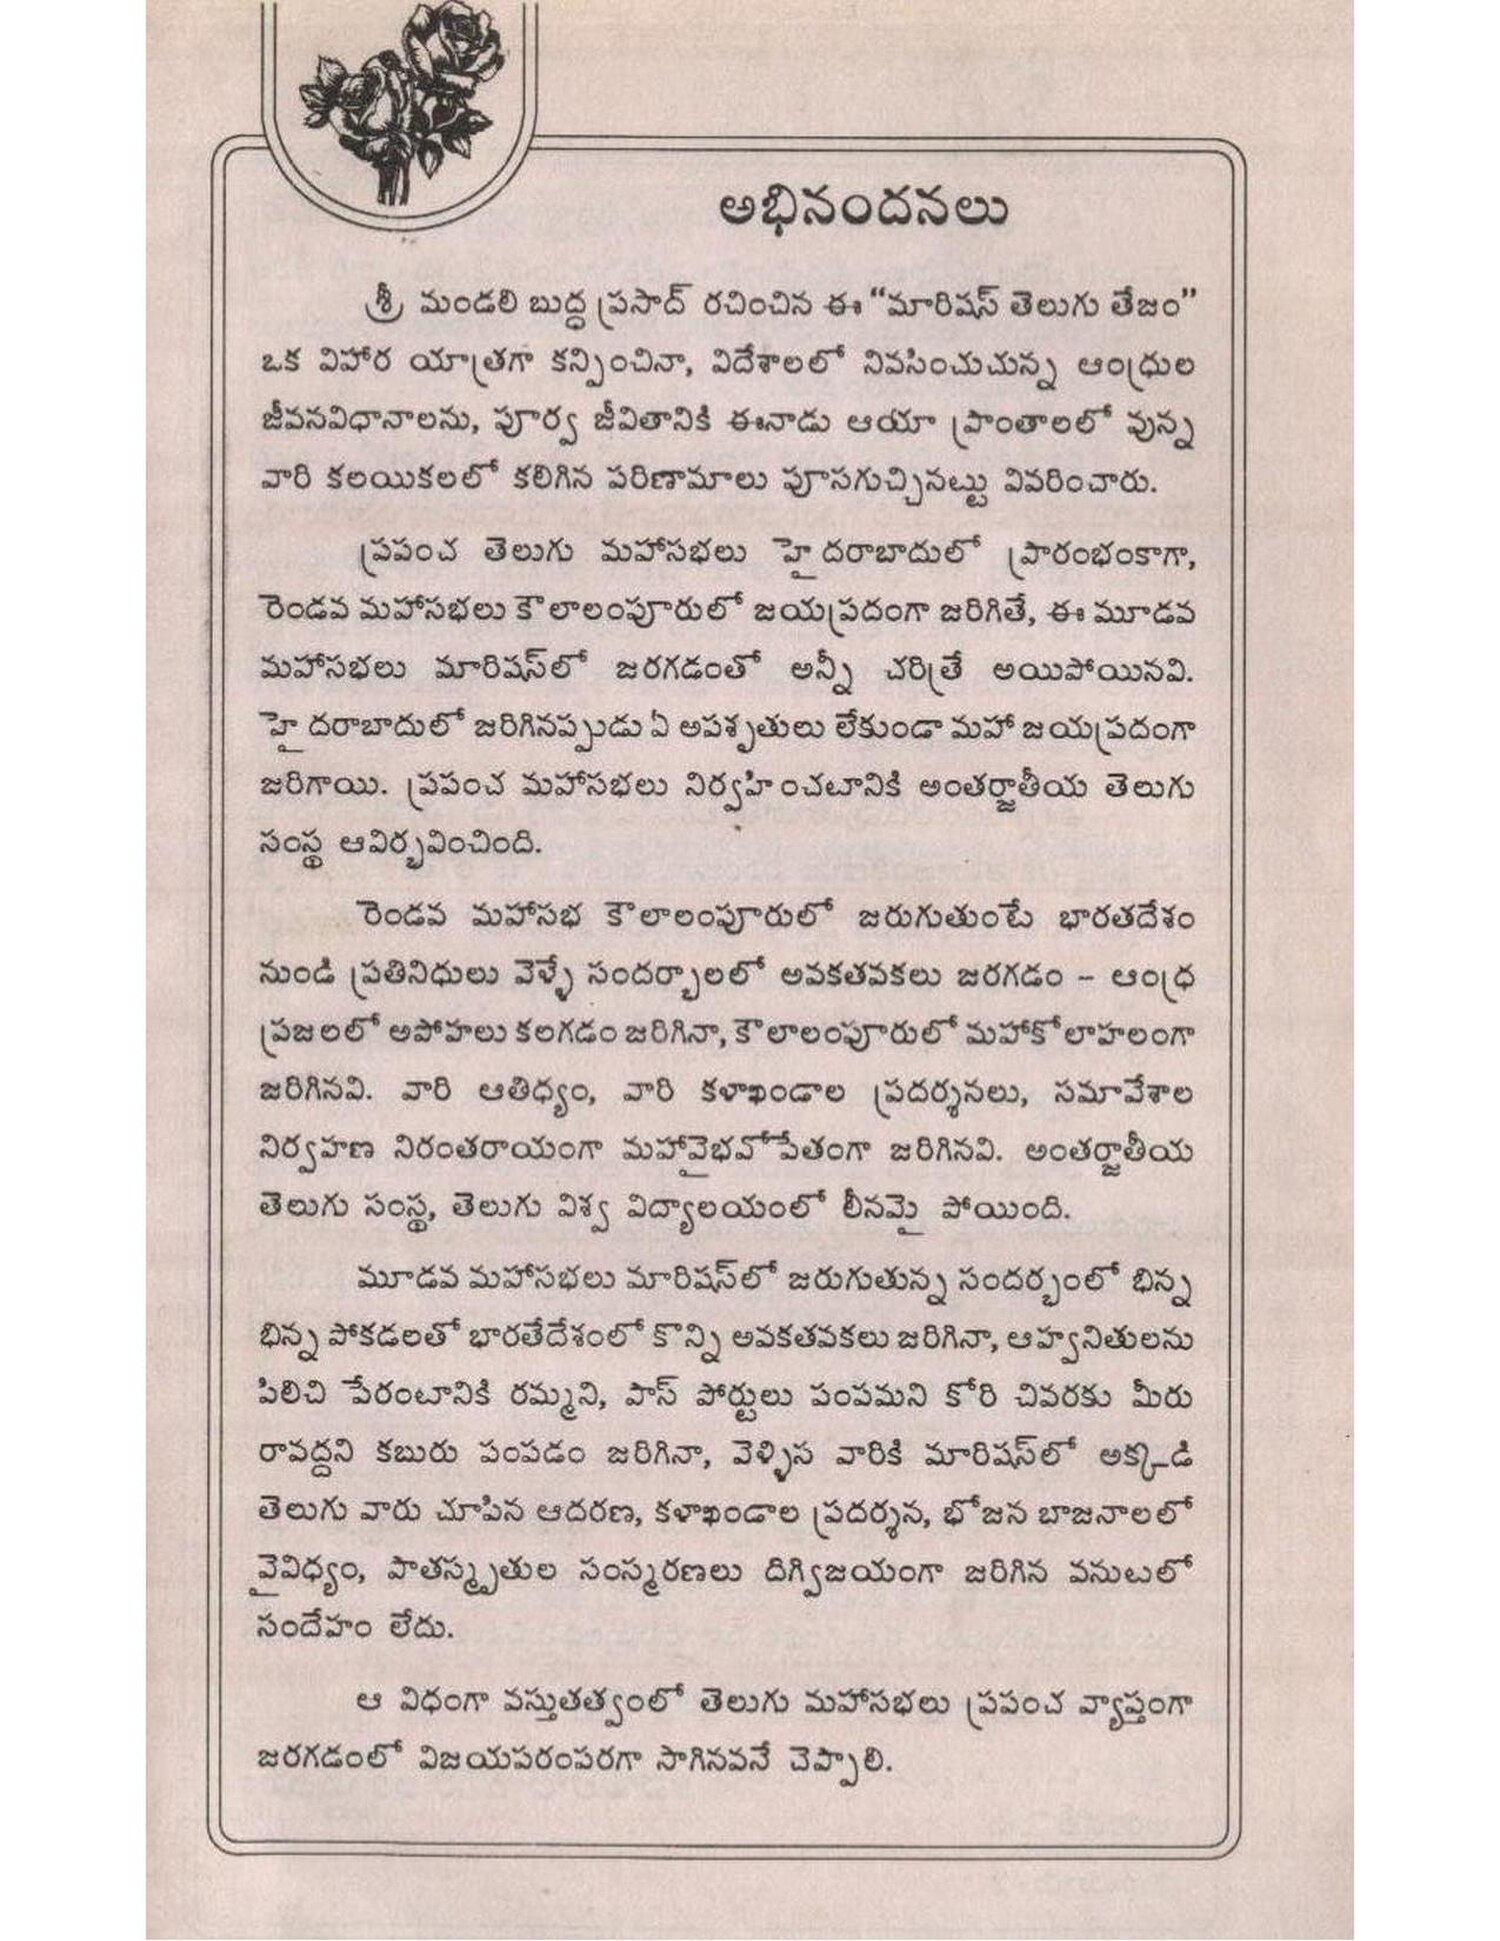శ్రీ మండలి బుద్ద ప్రసాద్ రచించిన ఈ "మారిషస్ తెలుగు తేజం" ఒక విహార యాత్రగా కన్పించినా, విదేశాలలో నివసించుచున్న ఆంధ్రుల జీవనవిధానాలను, పూర్వ జీవితానికి ఈనాడు ఆయా ప్రాంతాలలో వున్న వారి కలయికలలో కలిగిన పరిణామాలు పూసగుచ్చినట్టు వివరించారు.

ప్రపంచ తెలుగు మహాసభలు హైదరాబాదులో ప్రారంభంకాగా, రెండవ మహాసభలు కౌలాలంపూరులో జయప్రదంగా జరిగితే, ఈ మూడవ మహాసభలు మారిషస్‌లో జరగడంతో అన్నీ చరిత్రే అయిపోయినవి. హైదరాబాదులో జరిగినప్పడు ఏ అపశృతులు లేకుండా మహా జయప్రదంగా జరిగాయి. ప్రపంచ మహాసభలు నిర్వహించటానికి అంతర్జాతీయ తెలుగు సంస్థ ఆవిర్భవించింది. 

రెండవ మహాసభ కౌలాలంపూరులో జరుగుతుంటే భారతదేశం నుండి ప్రతినిధులు వెళ్ళే సందర్భాలలో అవకతవకలు జరగడం - ఆంధ్ర ప్రజలలో అపోహలు కలగడం జరిగినా, కౌలాలంపూరులో మహాకోలాహలంగా జరిగినవి. వారి ఆతిధ్యం, వారి కళాఖండాల ప్రదర్శనలు, సమావేశాల నిర్వహణ నిరంతరాయంగా మహావైభవోపేతంగా జరిగినవి. అంతర్జాతీయ తెలుగు సంస్థ, తెలుగు విశ్వ విద్యాలయంలో లీనమై పోయింది.

మూడవ మహాసభలు మారిషస్‌లో జరుగుతున్న సందర్భంలో భిన్న భిన్న పోకడలతో భారతేదేశంలో కొన్ని అవకతవకలు జరిగినా, ఆహ్వనితులను పిలిచి పేరంటానికి రమ్మని, పాస్ పోర్టులు పంపమని కోరి చివరకు మీరు రావద్దని కబురు పంపడం జరిగినా, వెళ్ళిన వారికి మారిషస్‌లో అక్కడి తెలుగు వారు చూపిన ఆదరణ, కళాఖండాల ప్రదర్శన, భోజన బాజనాలలో వైవిధ్యం, పాతస్మృతుల సంస్మరణలు దిగ్విజయంగా జరిగిన వనుటలో సందేహం లేదు.

ఆ విధంగా వస్తుతత్వంలో తెలుగు మహాసభలు ప్రపంచ వ్యాప్తంగా జరగడంలో విజయపరంపరగా సాగినవనే చెప్పాలి.